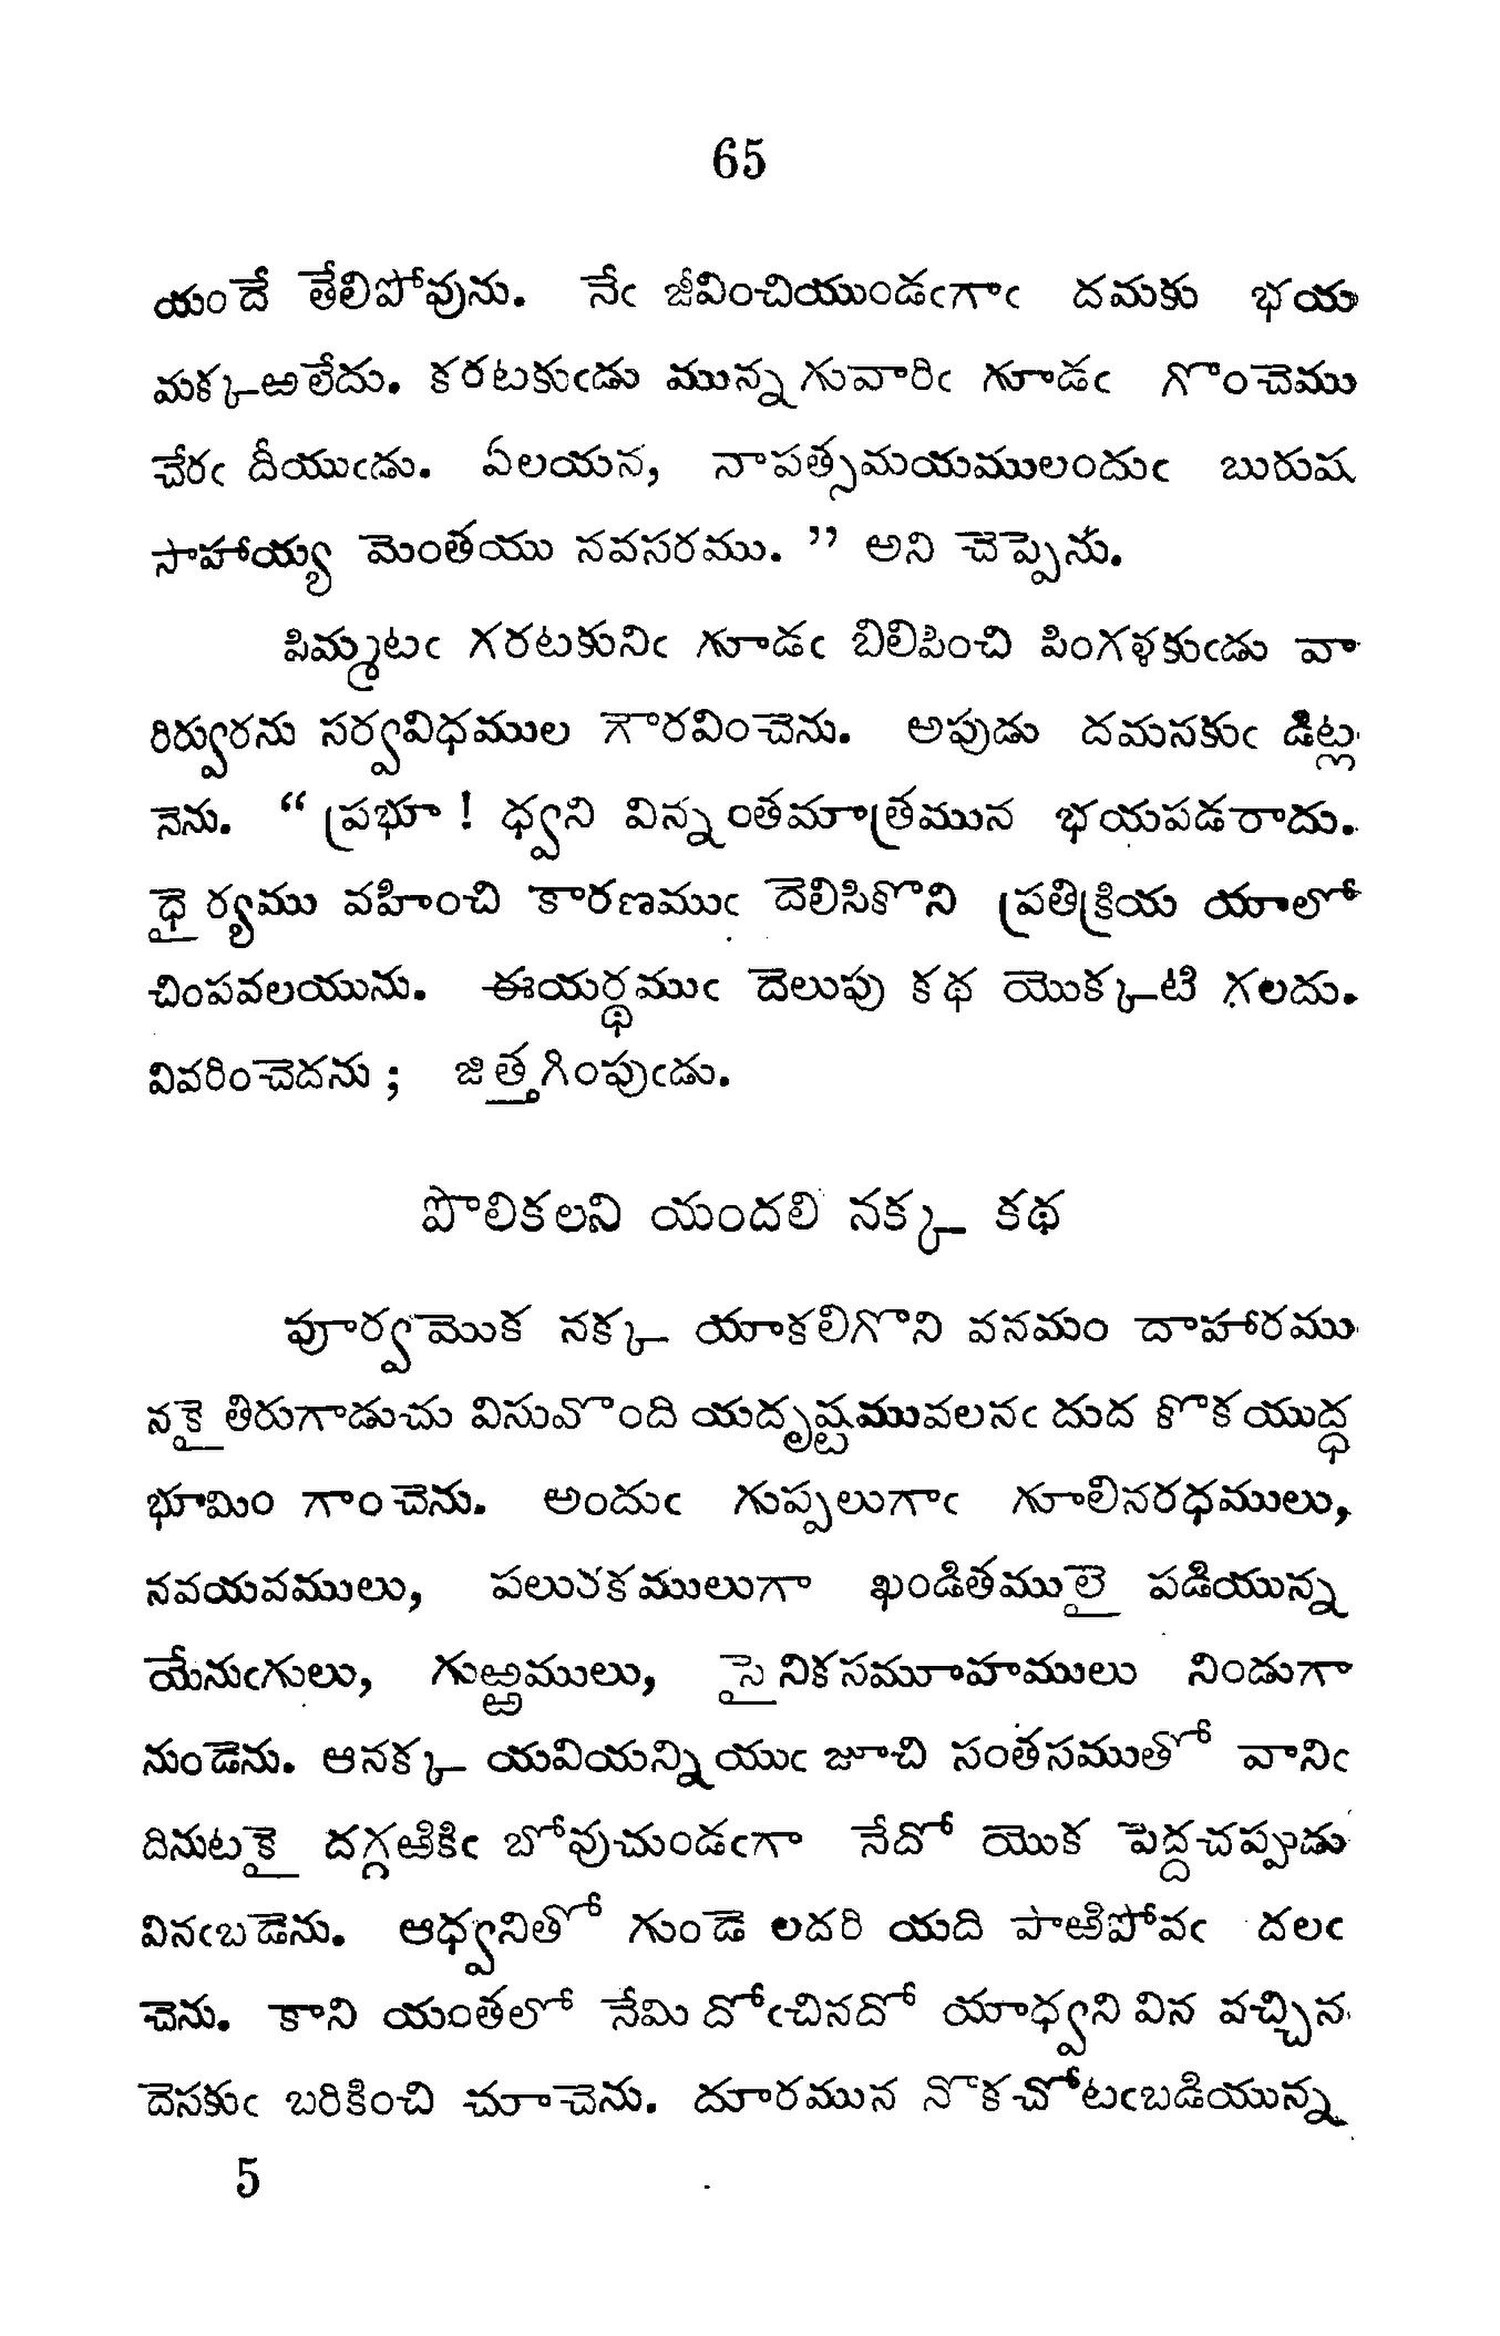యందే తేలిపోవును. నే జీవించియుండగా దమకు భయమక్కఱలేదు. కరటకుడు మున్నగువారి గూడ గొంచెము చేర దీయుడు. ఏలయన, నాపత్సమయములందు బురుష సాహాయ్య మెంతయు నవసరము." అని చెప్పెను.

పిమ్మట గరటకుని గూడ బిలిపించి పింగళకుడు వారిర్వురను సర్వవిధముల గౌరవించెను. అపుడు దమనకు డిట్లనెను. "ప్రభూ! ధ్వని విన్నంతమాత్రామున భయపడరాదు. ధైర్యము వహించి కారణము దెలిసికొని ప్రతిక్రియ యాలోచింపవలయును. ఈయర్థము దెలుపు కథ యొక్కటి గలదు. వివరించెదను; జిత్తగింపుడు.

పూర్వమొక నక్క యాకలిగొని వనమం దాహారమునకై తిరుగాడుచు విసువొంది యదృష్టమువలన దుద కొకయుద్ధ భూమిం గాంచెను. అందు గుప్పలుగా గూలినరధములు, నవయవములు, పలురకములుగా ఖండితములై పడియున్న యేనుగులు, గుఱ్ఱములు, సైనికసమూహములు నిండుగా నుండెను. ఆనక్క యవియన్నియు జూచి సంతసముతో వాని దినుటకై దగ్గఱికి బోవుచుండగా నేదో యొక పెద్దచప్పుడు వినబడెను. ఆధ్వనితో గుండె లదరి యది పాఱిపోవ దలచెను. కానియంతలో నేమి దోచినదో యాధ్వని విన వచ్చిన దెసకు బరికించి చూచెను. దూరమున నొకచోటబడియున్న